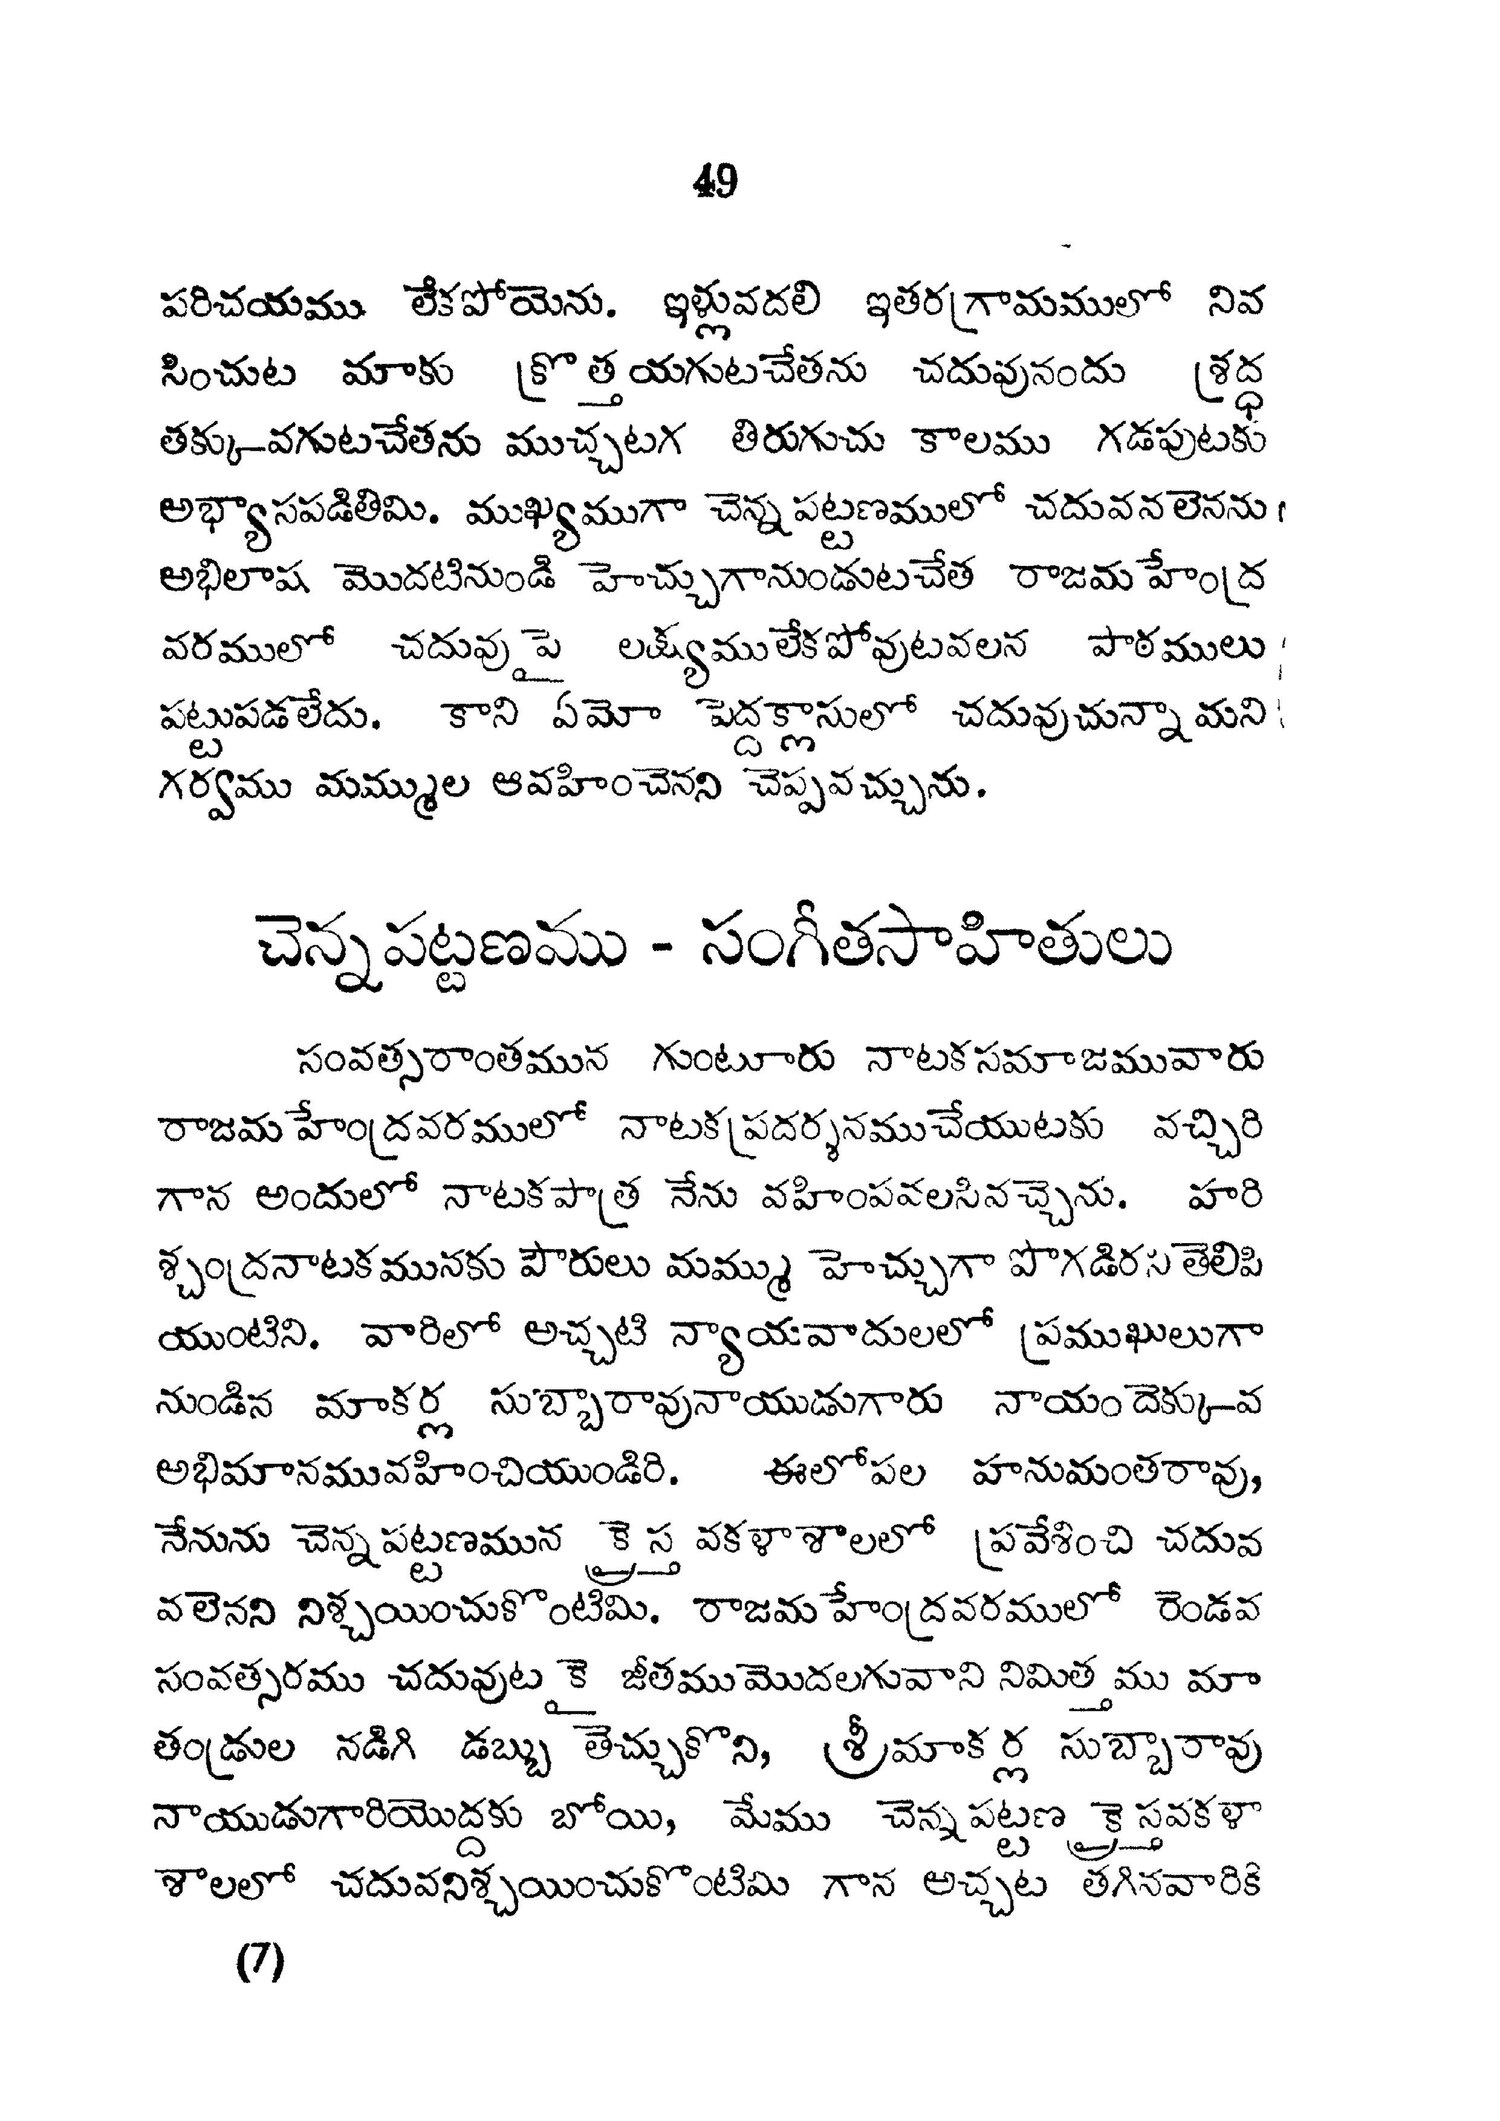పరిచయము లేకపోయెను. ఇళ్లువదలి ఇతరగ్రామములో నివసించుట మాకు క్రొత్తయగుటచేతను చదువునందు శ్రద్ధ తక్కువగుటచేతను ముచ్చటగ తిరుగుచు కాలము గడపుటకు అభ్యాసపడితిమి. ముఖ్యముగా చెన్నపట్టణములో చదువవలెనను అభిలాష మొదటినుండి హెచ్చుగానుండుటచేత రాజమహేంద్రవరములో చదువుపై లక్ష్యములేకపోవుటవలన పాఠములు పట్టుపడలేదు. కాని ఏమో పెద్దక్లాసులో చదువుచున్నామని గర్వము మమ్ముల ఆవహించెనని చెప్పవచ్చును.

సంవత్సరాంతమున గుంటూరు నాటకసమాజమువారు రాజమహేంద్రవరములో నాటకప్రదర్శనము చేయుటకు వచ్చిరి గాన అందులో నాటకపాత్ర నేను వహింపవలసివచ్చెను. హరిశ్చంద్రనాటకమునకు పౌరులు మమ్ము హెచ్చుగా పొగడిరనితెలిపి యుంటిని. వారిలో అచ్చటి న్యాయవాదులలో ప్రముఖులుగా నుండిన మాకర్ల సుబ్బారావునాయుడుగారు నాయందెక్కువ అభిమానము వహించియుండిరి. ఈలోపల హనుమంతురావు, నేనును చెన్నపట్టణమున క్రైస్తవకళాశాలలో ప్రవేశించి చదువవలెనని నిశ్చయించుకొంటిమి. రాజమహేంద్రవరములో రెండవ సంవత్సరము చదువుటకై జీతముమొదలగువాని నిమిత్తము మా తండ్రుల నడిగి డబ్బు తెచ్చుకొని, శ్రీమాకర్ల సుబ్బారావు నాయుడుగారియొద్దకు బోయి, మేము చెన్నపట్టణ క్రైస్తవకళాశాలలో చదువనిశ్చయించుకొకొంటిమి గాన అచ్చట తగినవారికి